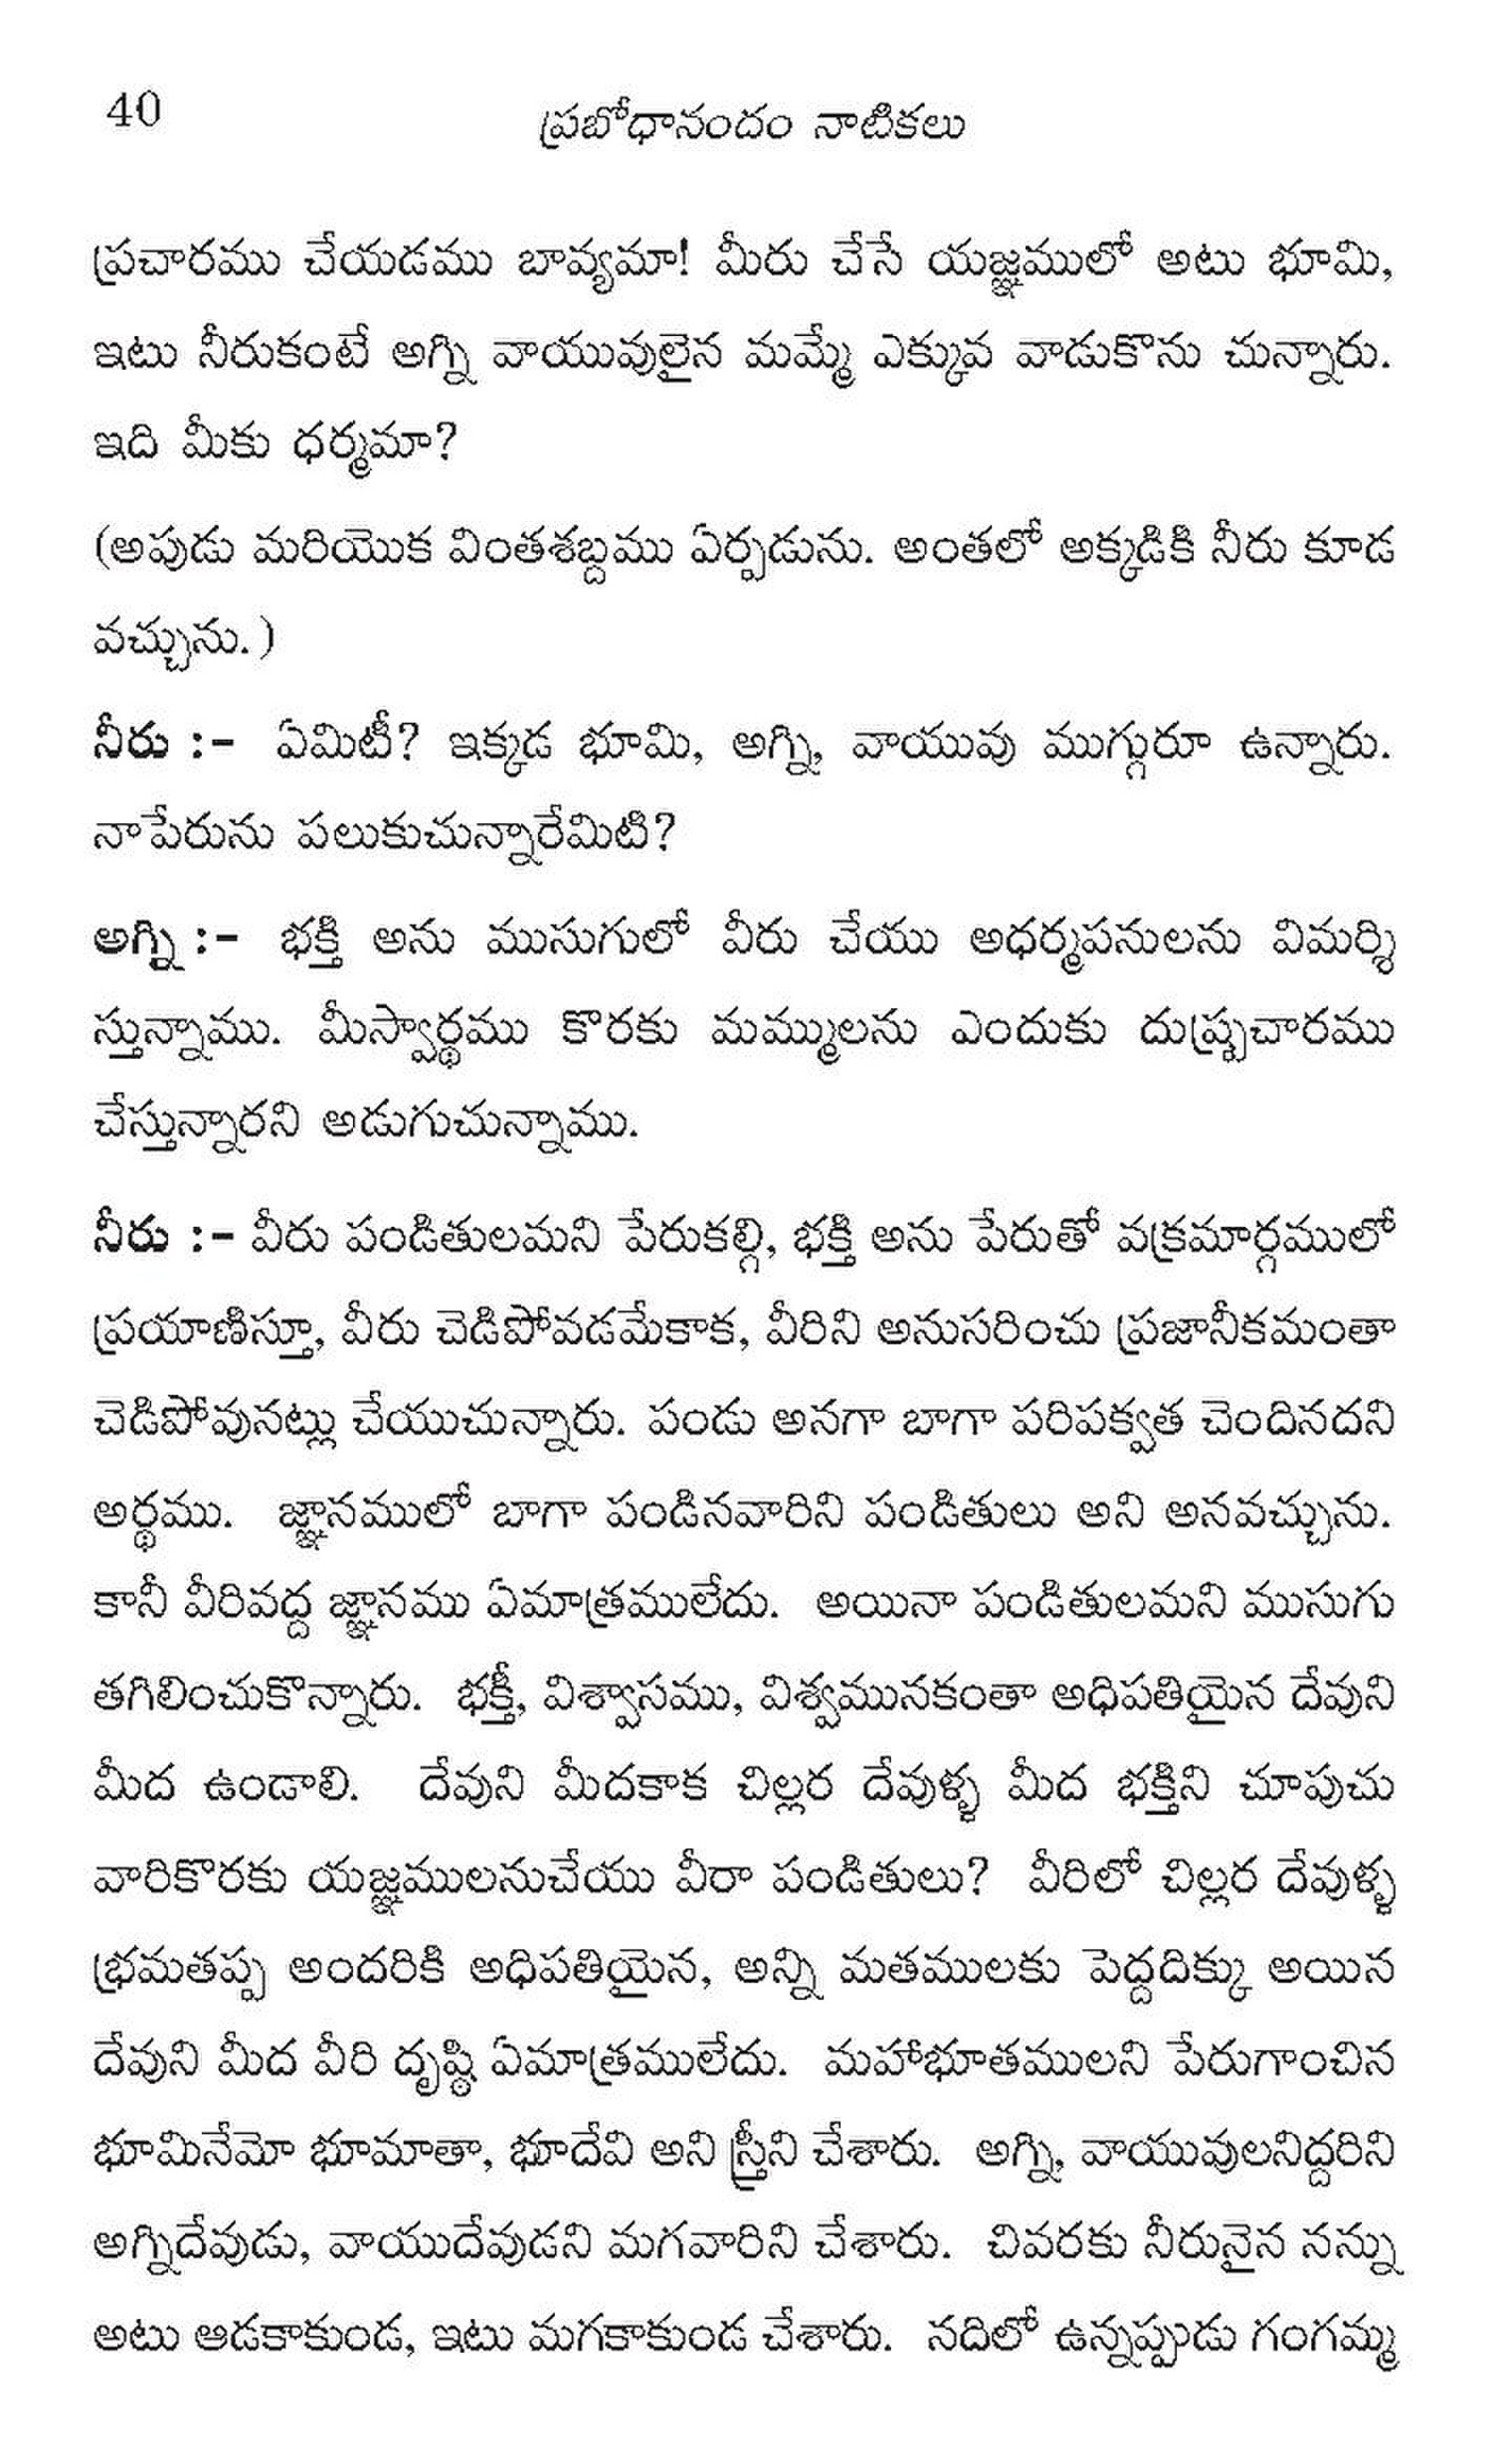ప్రచారము చేయడము బావ్యమా! మీరు చేసే యజ్ఞములో అటు భూమి, ఇటు నీరుకంటే అగ్ని వాయువులైన మమ్మే ఎక్కువ వాడుకొను చున్నారు. ఇది మీకు ధర్మమా?

(అపుడు మరియొక వింతశబ్దము ఏర్పడును. అంతలో అక్కడికి నీరు కూడ వచ్చును.)

నీరు :-	 ఏమిటీ? ఇక్కడ భూమి, అగ్ని, వాయువు ముగ్గురూ ఉన్నారు. నాపేరును పలుకుచున్నారేమిటి?

అగ్ని :-	 భక్తి అను ముసుగులో వీరు చేయు అధర్మపనులను విమర్శిస్తున్నాము. మీస్వార్థము కొరకు మమ్ములను ఎందుకు దుష్ప్రచారము చేస్తున్నారని అడుగుచున్నాము.

నీరు :-	వీరు పండితులమని పేరుకల్గి, భక్తి అను పేరుతో వక్రమార్గములో ప్రయాణిస్తూ, వీరు చెడిపోవడమేకాక, వీరిని అనుసరించు ప్రజానీకమంతా చెడిపోవునట్లు చేయుచున్నారు. పండు అనగా బాగా పరిపక్వత చెందినదని అర్థము. జ్ఞానములో బాగా పండినవారిని పండితులు అని అనవచ్చును. కానీ వీరివద్ద జ్ఞానము ఏమాత్రములేదు. అయినా పండితులమని ముసుగు తగిలించుకొన్నారు. భక్తీ, విశ్వాసము, విశ్వమునకంతా అధిపతియైన దేవుని మీద ఉండాలి. దేవుని మీదకాక చిల్లర దేవుళ్ళ మీద భక్తిని చూపుచు వారికొరకు యజ్ఞములనుచేయు వీరా పండితులు? వీరిలో చిల్లర దేవుళ్ళ భ్రమతప్ప అందరికి అధిపతియైన, అన్ని మతములకు పెద్దదిక్కు అయిన దేవుని మీద వీరి దృష్ఠి ఏమాత్రములేదు. మహాభూతములని పేరుగాంచిన భూమినేమో భూమాతా, భూదేవి అని స్త్రీని చేశారు. అగ్ని, వాయువులనిద్దరిని అగ్నిదేవుడు, వాయుదేవుడని మగవారిని చేశారు. చివరకు నీరునైన నన్ను అటు ఆడకాకుండ, ఇటు మగకాకుండ చేశారు. నదిలో ఉన్నప్పుడు గంగమ్మ